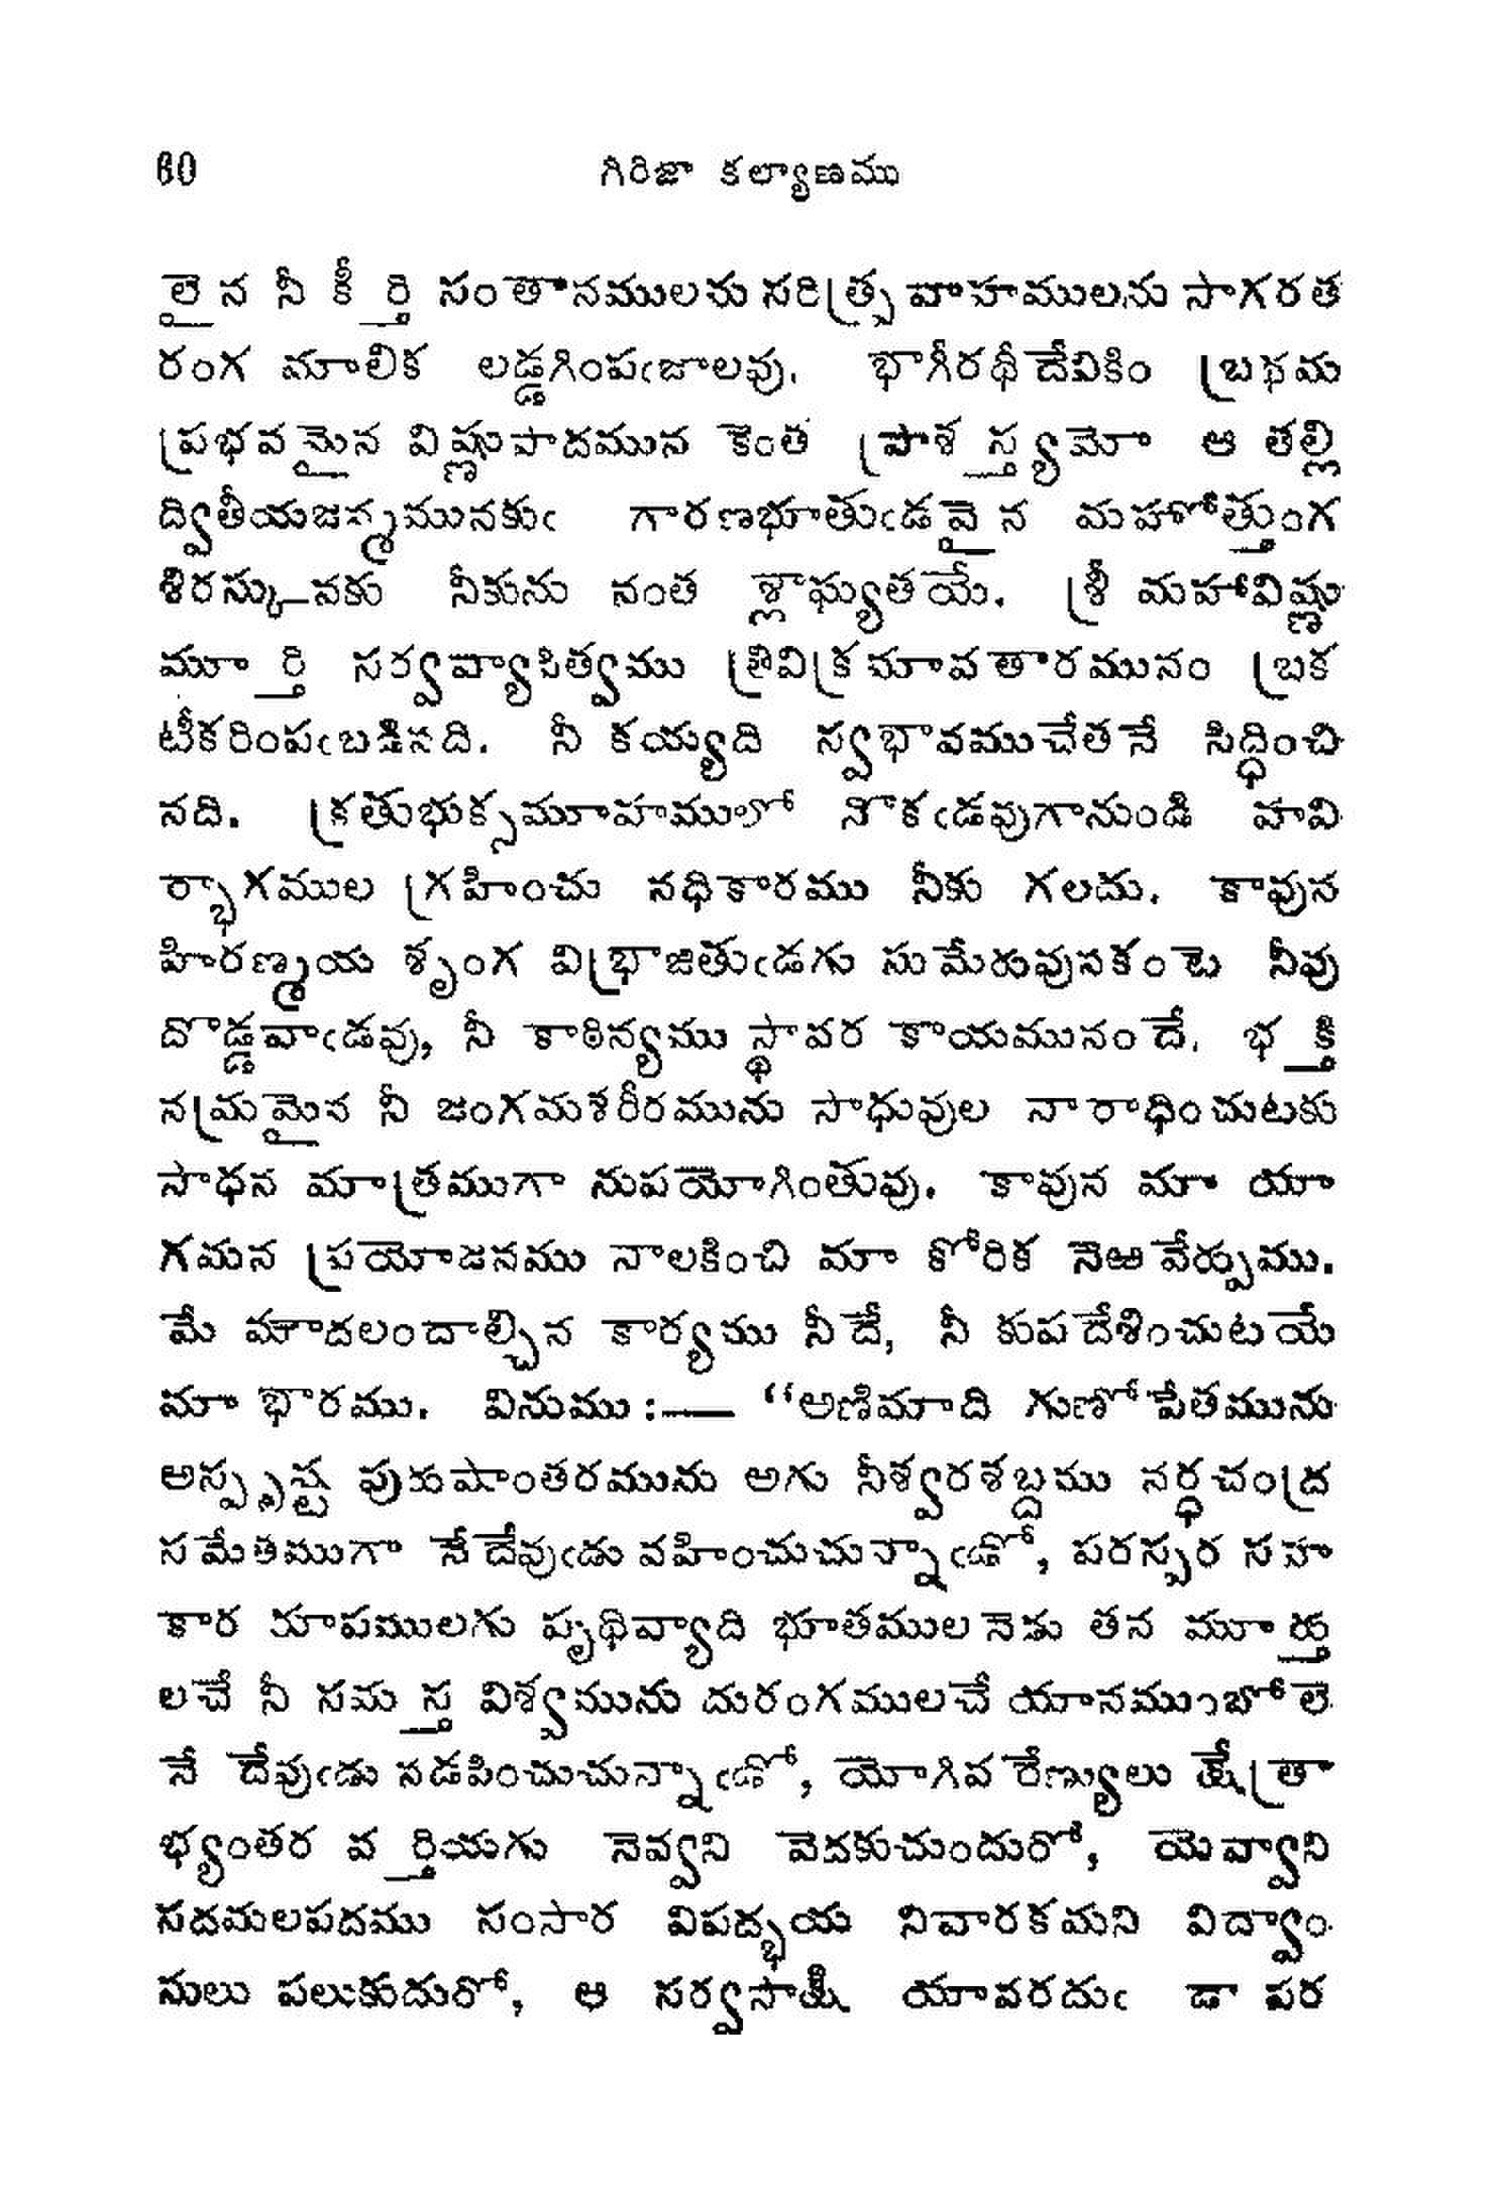లైన నీ కీర్తి సంతానములకు సరిత్ప్ర వాహములను సాగరత రంగ మాలిక లడ్డగింపఁజాలవు. భాగీరథీ దేవికిం బ్రథమ
ప్రభవమైన విష్ణుపాదమున కెంత ప్రాశస్త్యమో ఆ తల్లి ద్వితీయజన్మమునకుఁ గారణభూతుఁడవైన మహోత్తుంగ శిరస్కునకు నీకును నంత శ్లాఘ్యతయే. శ్రీ మహావిష్ణు మూర్తి సర్వవ్యాపిత్వము త్రివిక్రమావతారమునం బ్రకటీకరింపఁబడినది. నీ కయ్యది స్వభావముచేతనే సిద్ధించినది. క్రతుభుక్సమూహములో నొకఁడవుగానుండి హవిర్భాగముల గ్రహించు నధికారము నీకు గలదు. కావున హిరణ్మయ శృంగ విభ్రాజితుఁడగు సుమేరువులకంటె నీవు దొడ్డవాఁడవు, నీ కాఠిన్యము స్థావర కాయమునందే భక్తి
నమ్రమైన నీ జంగమ శరీరమును సాధువుల నారాధించుటకు సాధన మాత్రముగా నుపయోగింతువు. కావున మా యా
గమన ప్రయోజనము నాలకించి మా కోరిక నెఱ నేర్పుము. మే మౌదలందాల్చిన కార్యము నీదే, నీ కుపదేశించుటయే
మా భారము, వినుము :—— “అణిమాది గుణోపేతమును అస్పృష్ట పురుషాంతరమును అగు నీశ్వరశబ్దము నర్ధ చంద్ర
సమేతముగా నేదేవుఁడు వహించుచున్నాఁడో, పరస్పర సహకార రూపములగు పృథివ్యాది భూతముల నెడు తన మూర్తు
లచే నీ సమస్త విశ్వమును దురంగములచే యానముఁబోలెనే దేవుఁడు నడపించుచున్నాఁడో, యోగివరేణ్యులు క్షేత్రా
భ్యంతర వర్తియగు నెవ్వని వెదకుచుందురో, యెవ్వాని సదమలపదము సంసార విపద్భయ నివారకమని విద్వాంసులు పలుకుదురో, ఆ సర్వసాక్షి, యావరదుఁ డా పర